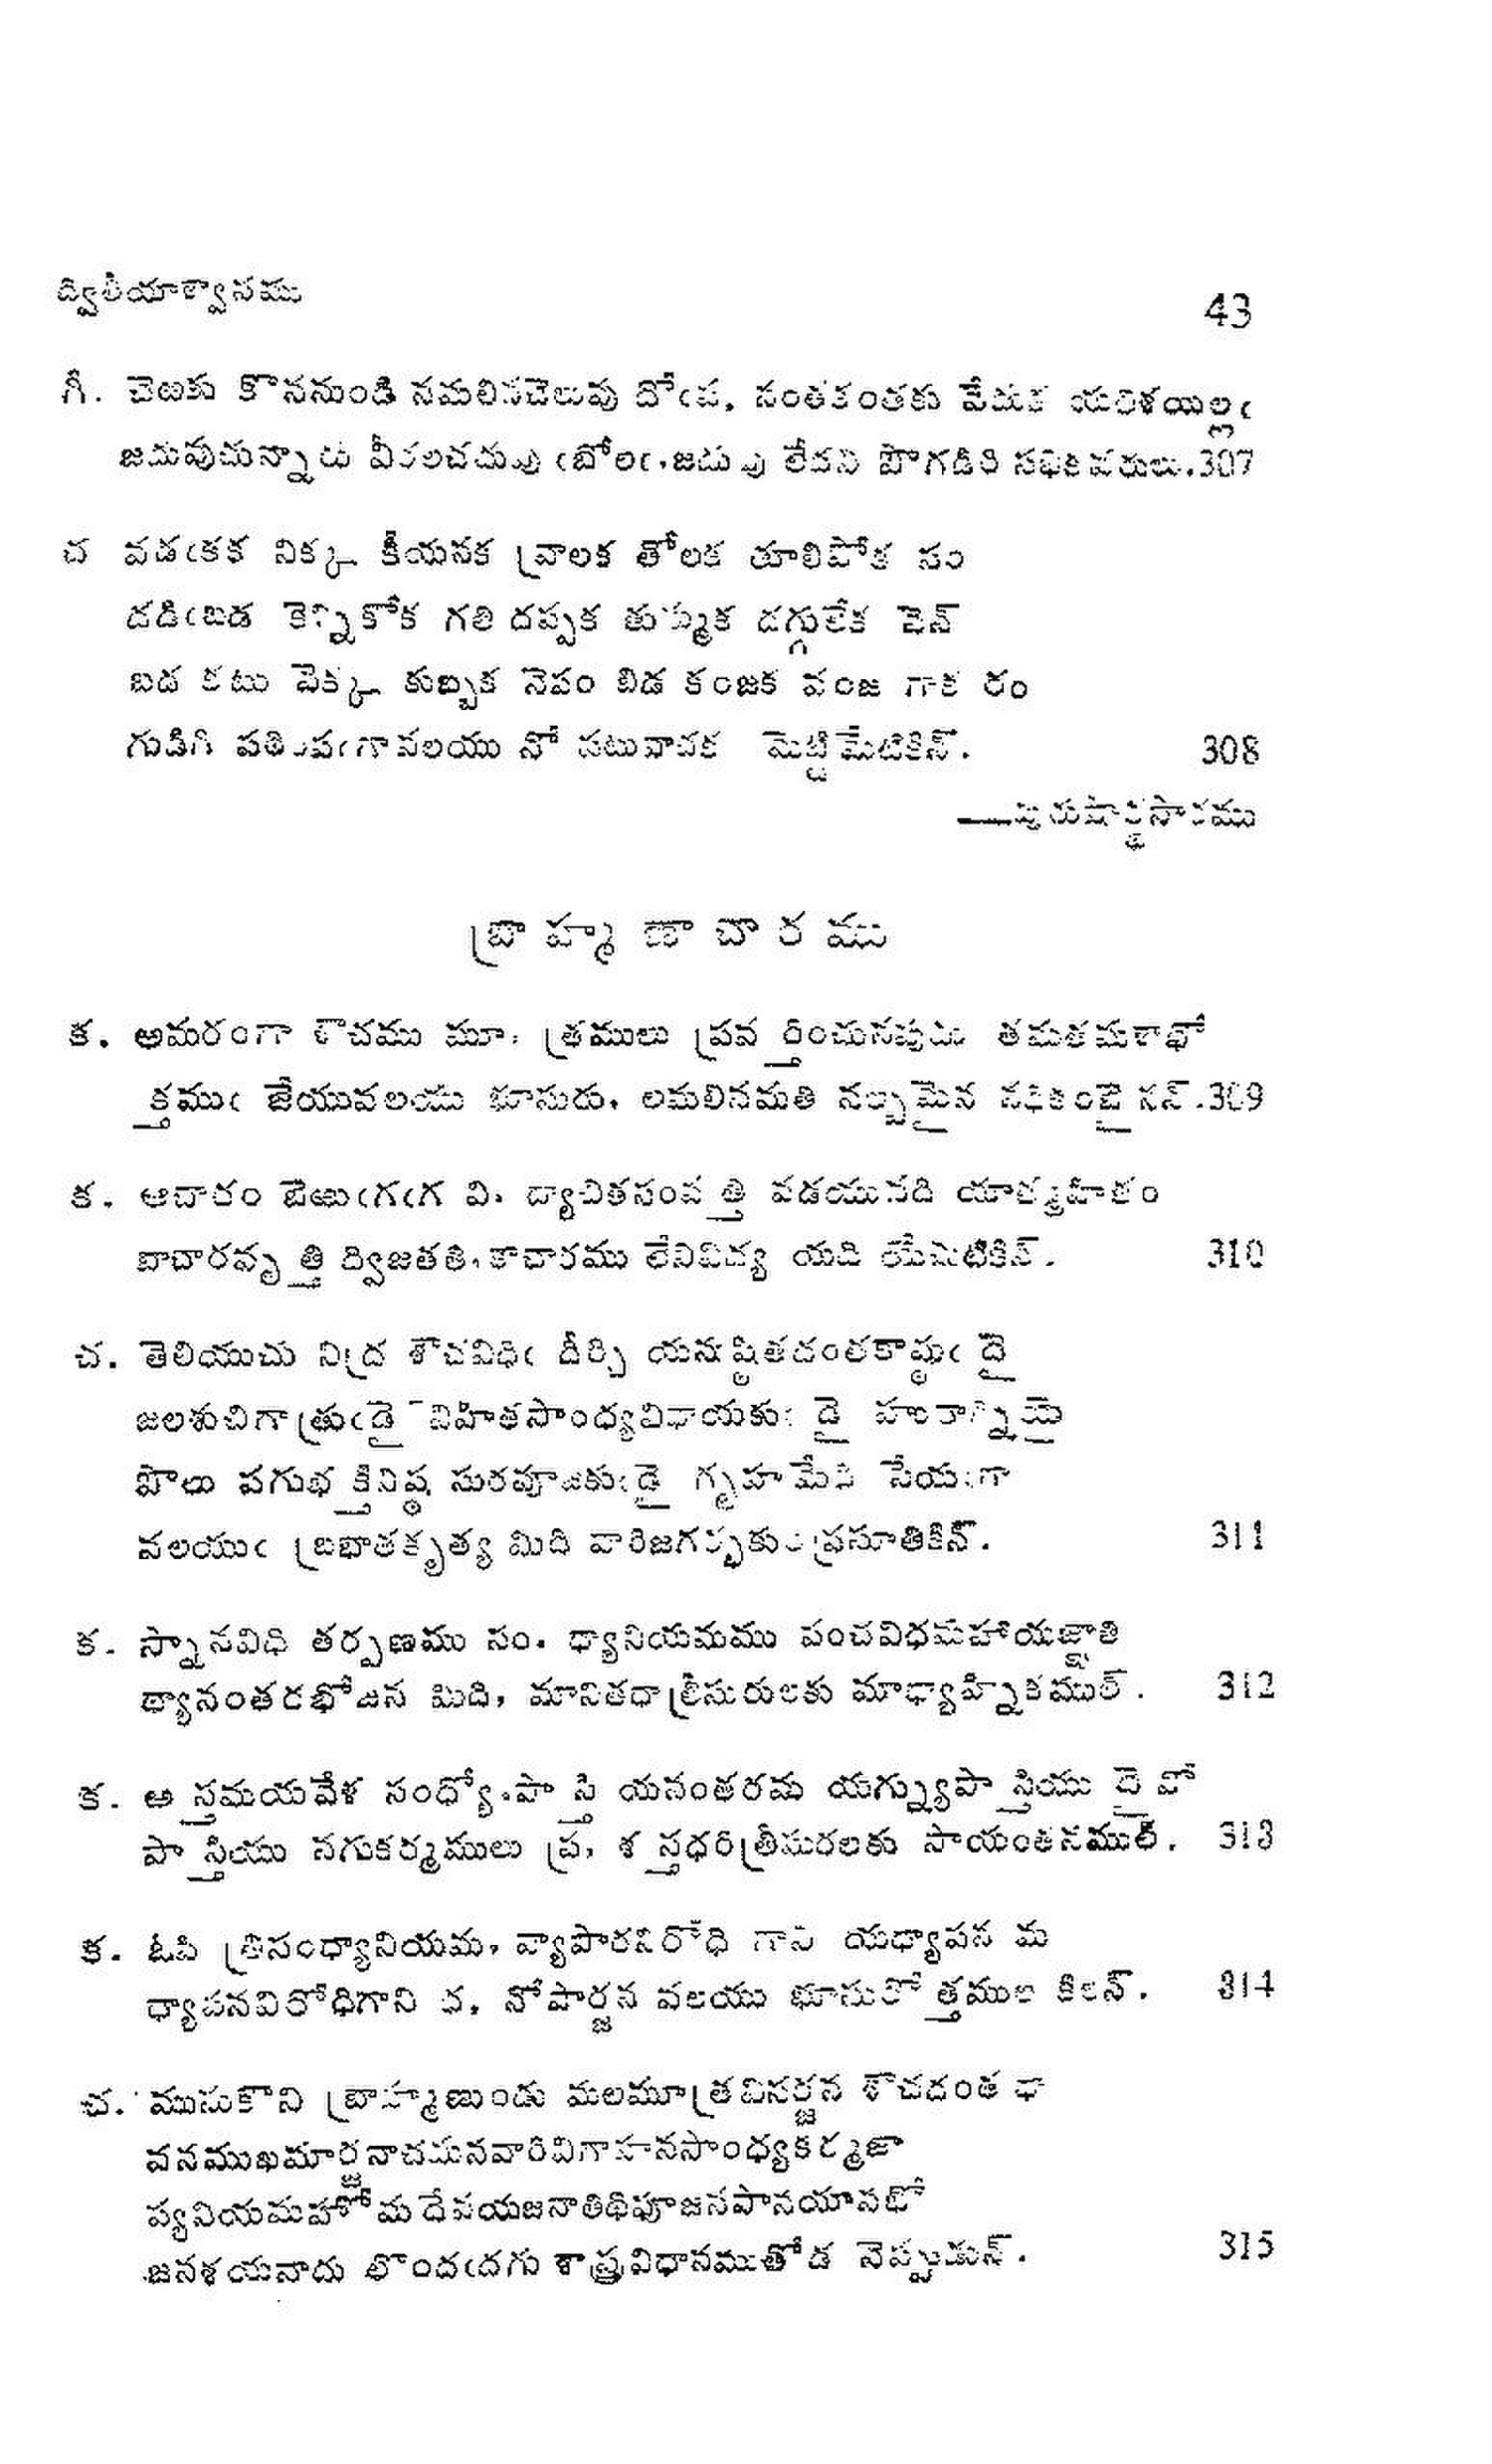గీ. చెఱకు కొననుండి నమలినచెలువు దోఁప
నంతకంతకు వేడుక యతిశయిల్లఁ
జదువుచున్నారు వీరలచదువుఁ బోలఁ
జదువు లేదని పొగడిరి సభికవరులు. 307

చ. వడఁవక నిక్క కీయనక వ్రాలక తోలక తూలిపోక సం
దడిఁబడ కెన్నికోక గతి తప్పక తుమ్మక దగ్గులేక వెన్
బడ కటు వెక్క కుబ్బక నెపం బిడ కంజక వంజ గాక రం
గుడిగి పఠింపఁగావలయు నో పటువాచక మెట్టిమేటికిన్.308

క. అమరంగా శౌచము మూ
త్రములు ప్రవర్తించునపుడు తమతమశాఖో
క్తముఁ జేయవలయు భూసురు
లమలినమతి నల్పమైన నధికంబైనన్. 309

క. ఆచారం బెఱుఁగఁగ వి
ద్యాచితసంపత్తి వడయునది యాత్మహితం
బాచారవృత్తి ద్విజతతి
కాచారము లేనివిద్య యది యేమిటికిన్. 310

చ. తెలియుచు నిద్ర శౌచవిధిఁ దీర్చి యనుష్ఠితదంతకాష్ఠుఁడై
జలశుచిగాత్రుఁడై విహితసాంధ్యవిధాయకుఁడై హుతాగ్నియై
పొలు పగుభక్తినిష్ఠ సురపూజకుఁడై గృహమేధి సేయఁగా
వలయుఁ బ్రభాతకృత్య మిది వారిజగర్భకులప్రసూతికిన్. 311

క. స్నానవిధి తర్పణము సం
ధ్యానియమము పంచవిధమహాయజ్ఞాతి
ధ్యానంతరభోజన మిది
మానితధాత్రీసురులకు మాధ్యాహ్నికముల్. 312

క. అస్తమయవేళ సంధ్యో
పాస్తి యనంతరమ యగ్న్యుపాస్తియు దైవో
పాస్తియు నగు కర్మములు ప్ర
శస్తధరిత్రీసురులతు సాయంతనముల్. 313

క. ఓపి త్రిసంధ్యానియమ
వ్యాపారనిరోధి గాని యధ్యాపన మ
ధ్యాపనవిరోధిగాని ధ
నోపార్జన వలయు భూసురోత్తముల కిలన్. 314

చ. మునుకొని బ్రాహ్మణుండు మలమూత్రవిసర్జన శౌచదంత ధా
వనముఖమార్జనాచమనవారివిగాహనసాంధ్యకర్మజా
ప్యనియమహోమదేవయజనాతిథిపూజనపానయానభో
జనశయనాదు లొందఁదగు శాస్త్రవిధానముతోడ నెప్పుడున్. 315